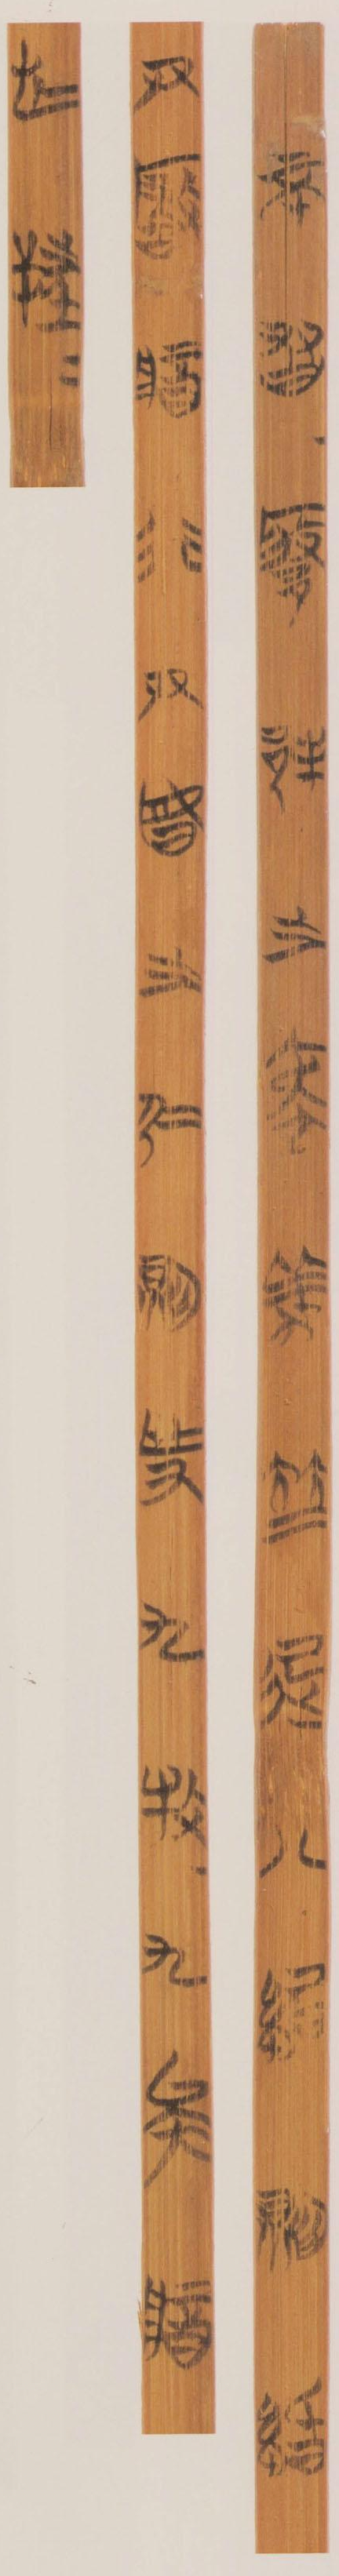不{友日}{殷邑}邦之{天虫}{羊虫}並起八{糸己口}則{糸昏}四{厂敢}𨟻行四{母日}之𡰥則拃九牧九矣𨟻{屮亡}{矢㞷}
